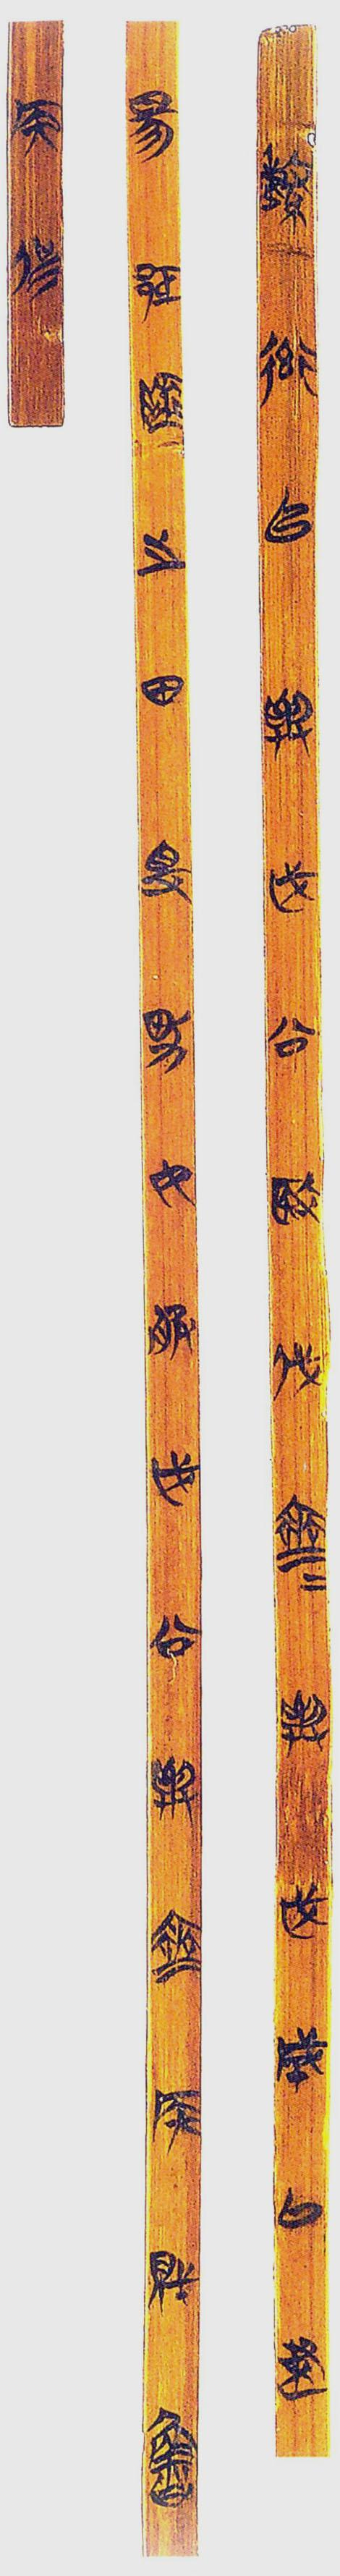繫率𠂤與戉公殹伐齊=與戉成㠯（以）建昜{巨阝}陵之田{且又}男女服戉公與齊侯{弋貝}魯侯侃
